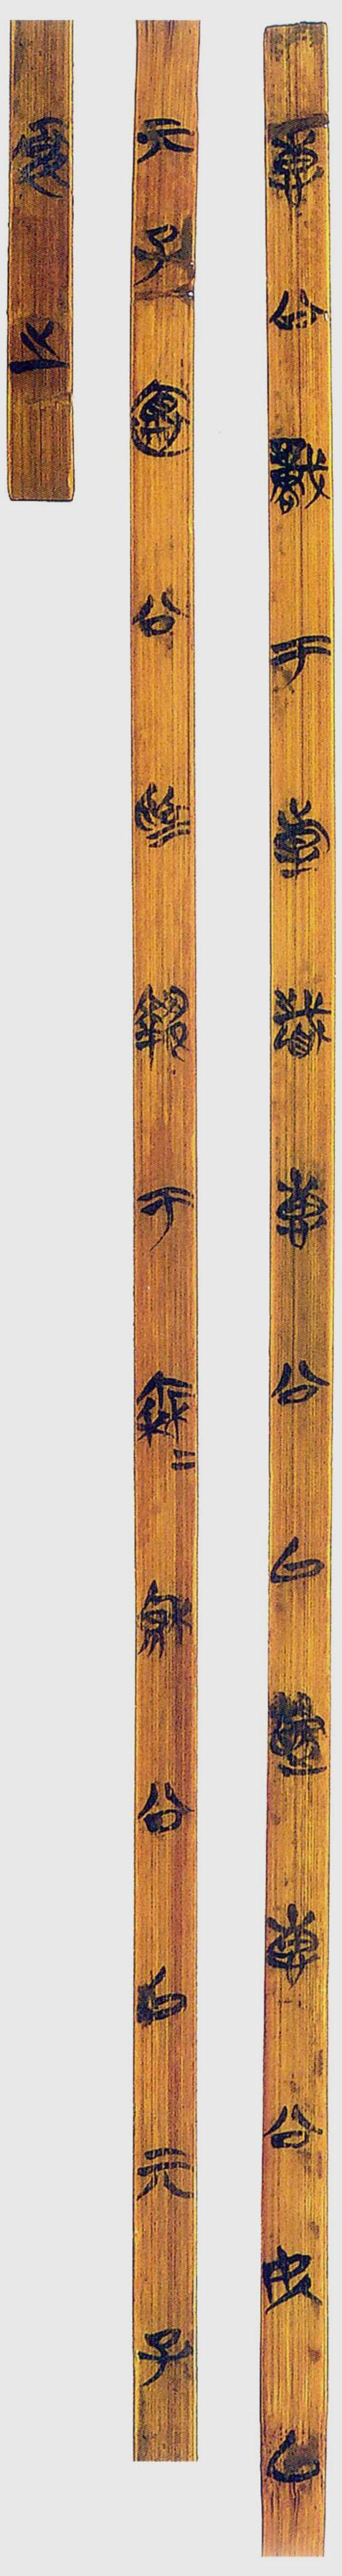惠公戰于倝{止頁戈}惠公㠯（以）歸惠公𡚦㠯（以）亓子褱公爲執于秦=穆公㠯（以）亓子妻之
